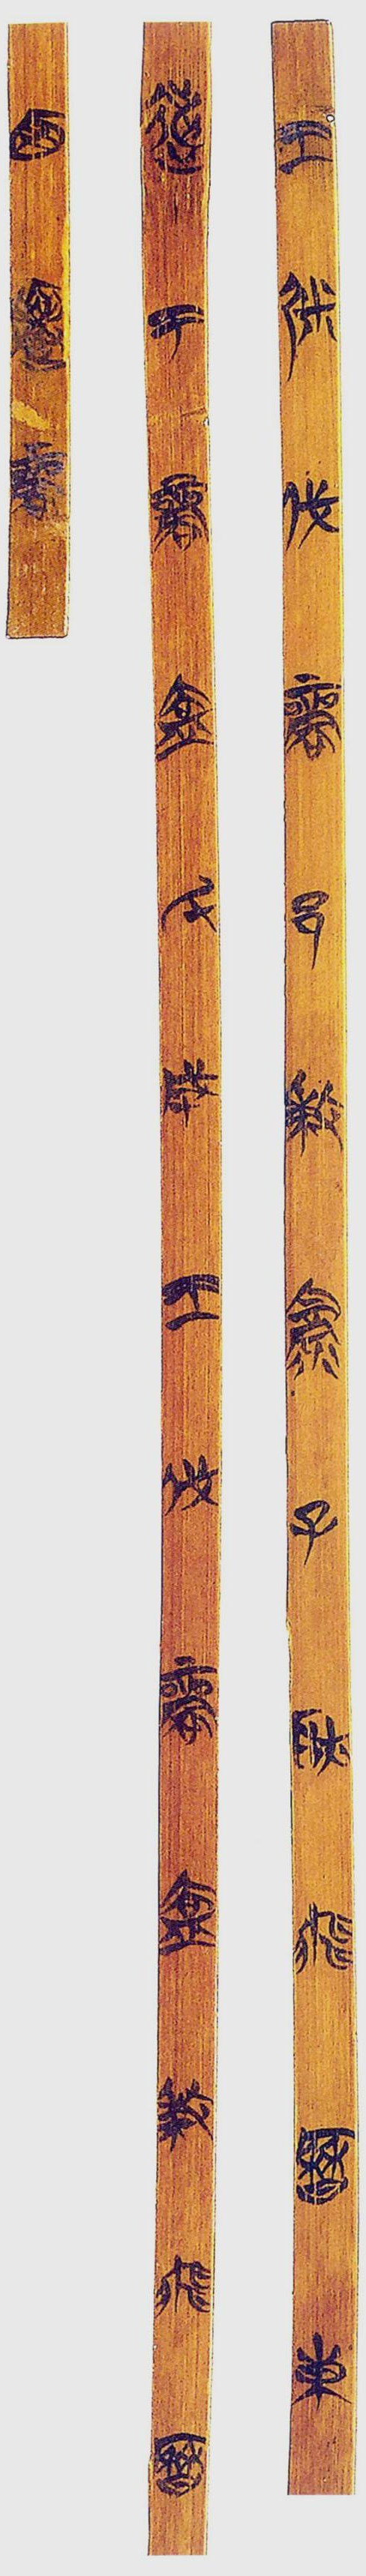王屎伐商邑殺{宀彔}子耿飛{厤甘}東逃于商盍氏成王伐商盍殺飛{厤甘}西{䙴止}商
